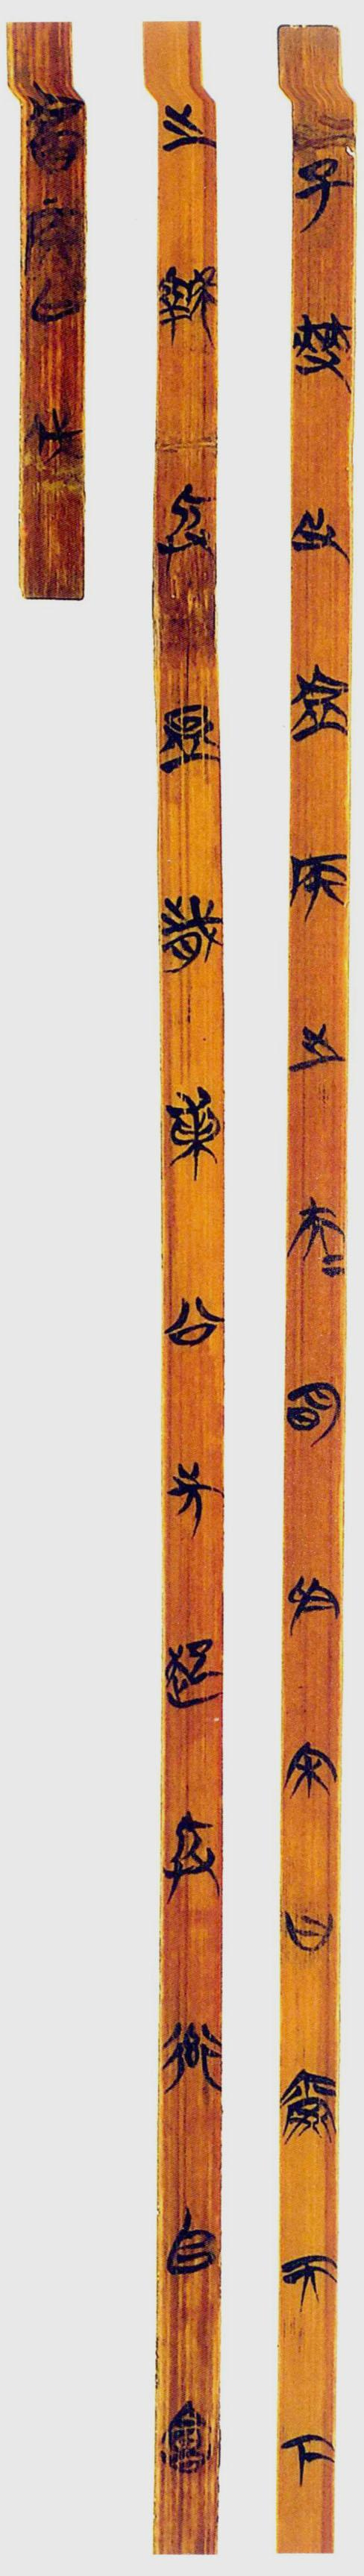子{火火又}及者侯之夫=明於宋曰爾天下之{幸虎}兵昷歲{木𦥑}公先起兵率𠂤會者侯㠯（以）伐
